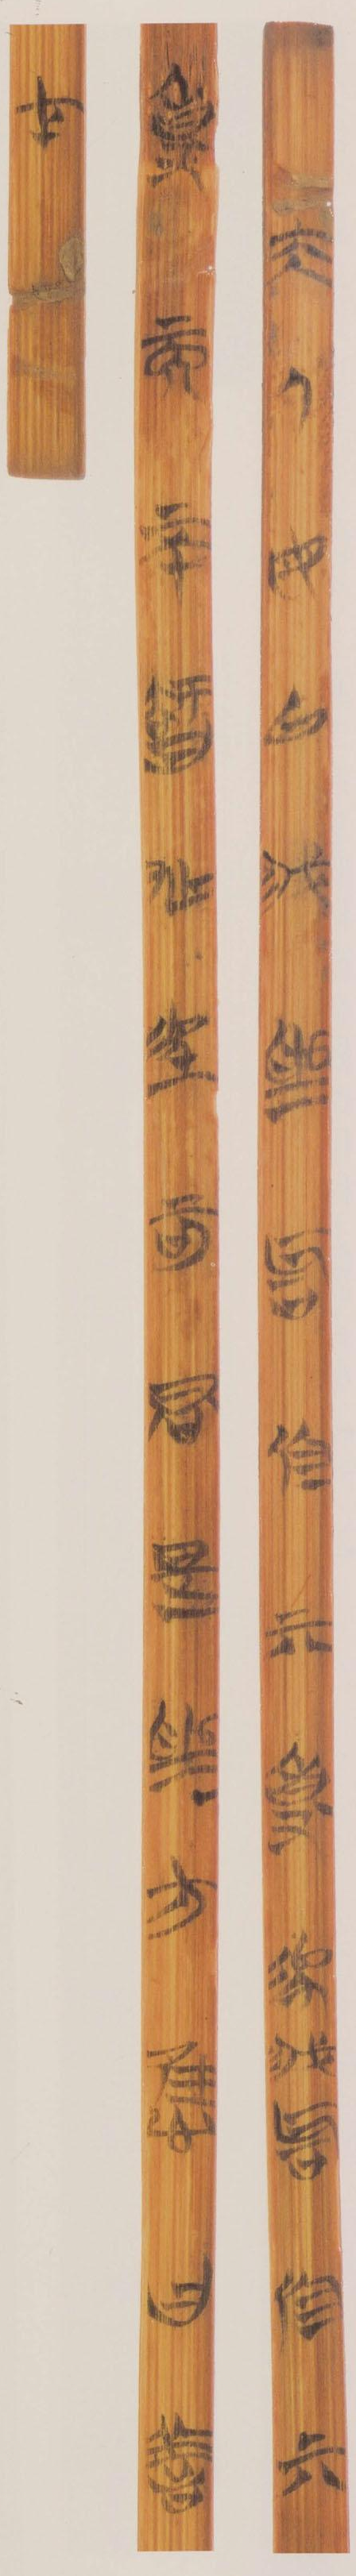夫人母㠯（以）我爲{㠯ㅋ}於亓事虎我{㠯ㅋ}於亓事而不智喪𫊟可君是爲方惟曰善才
